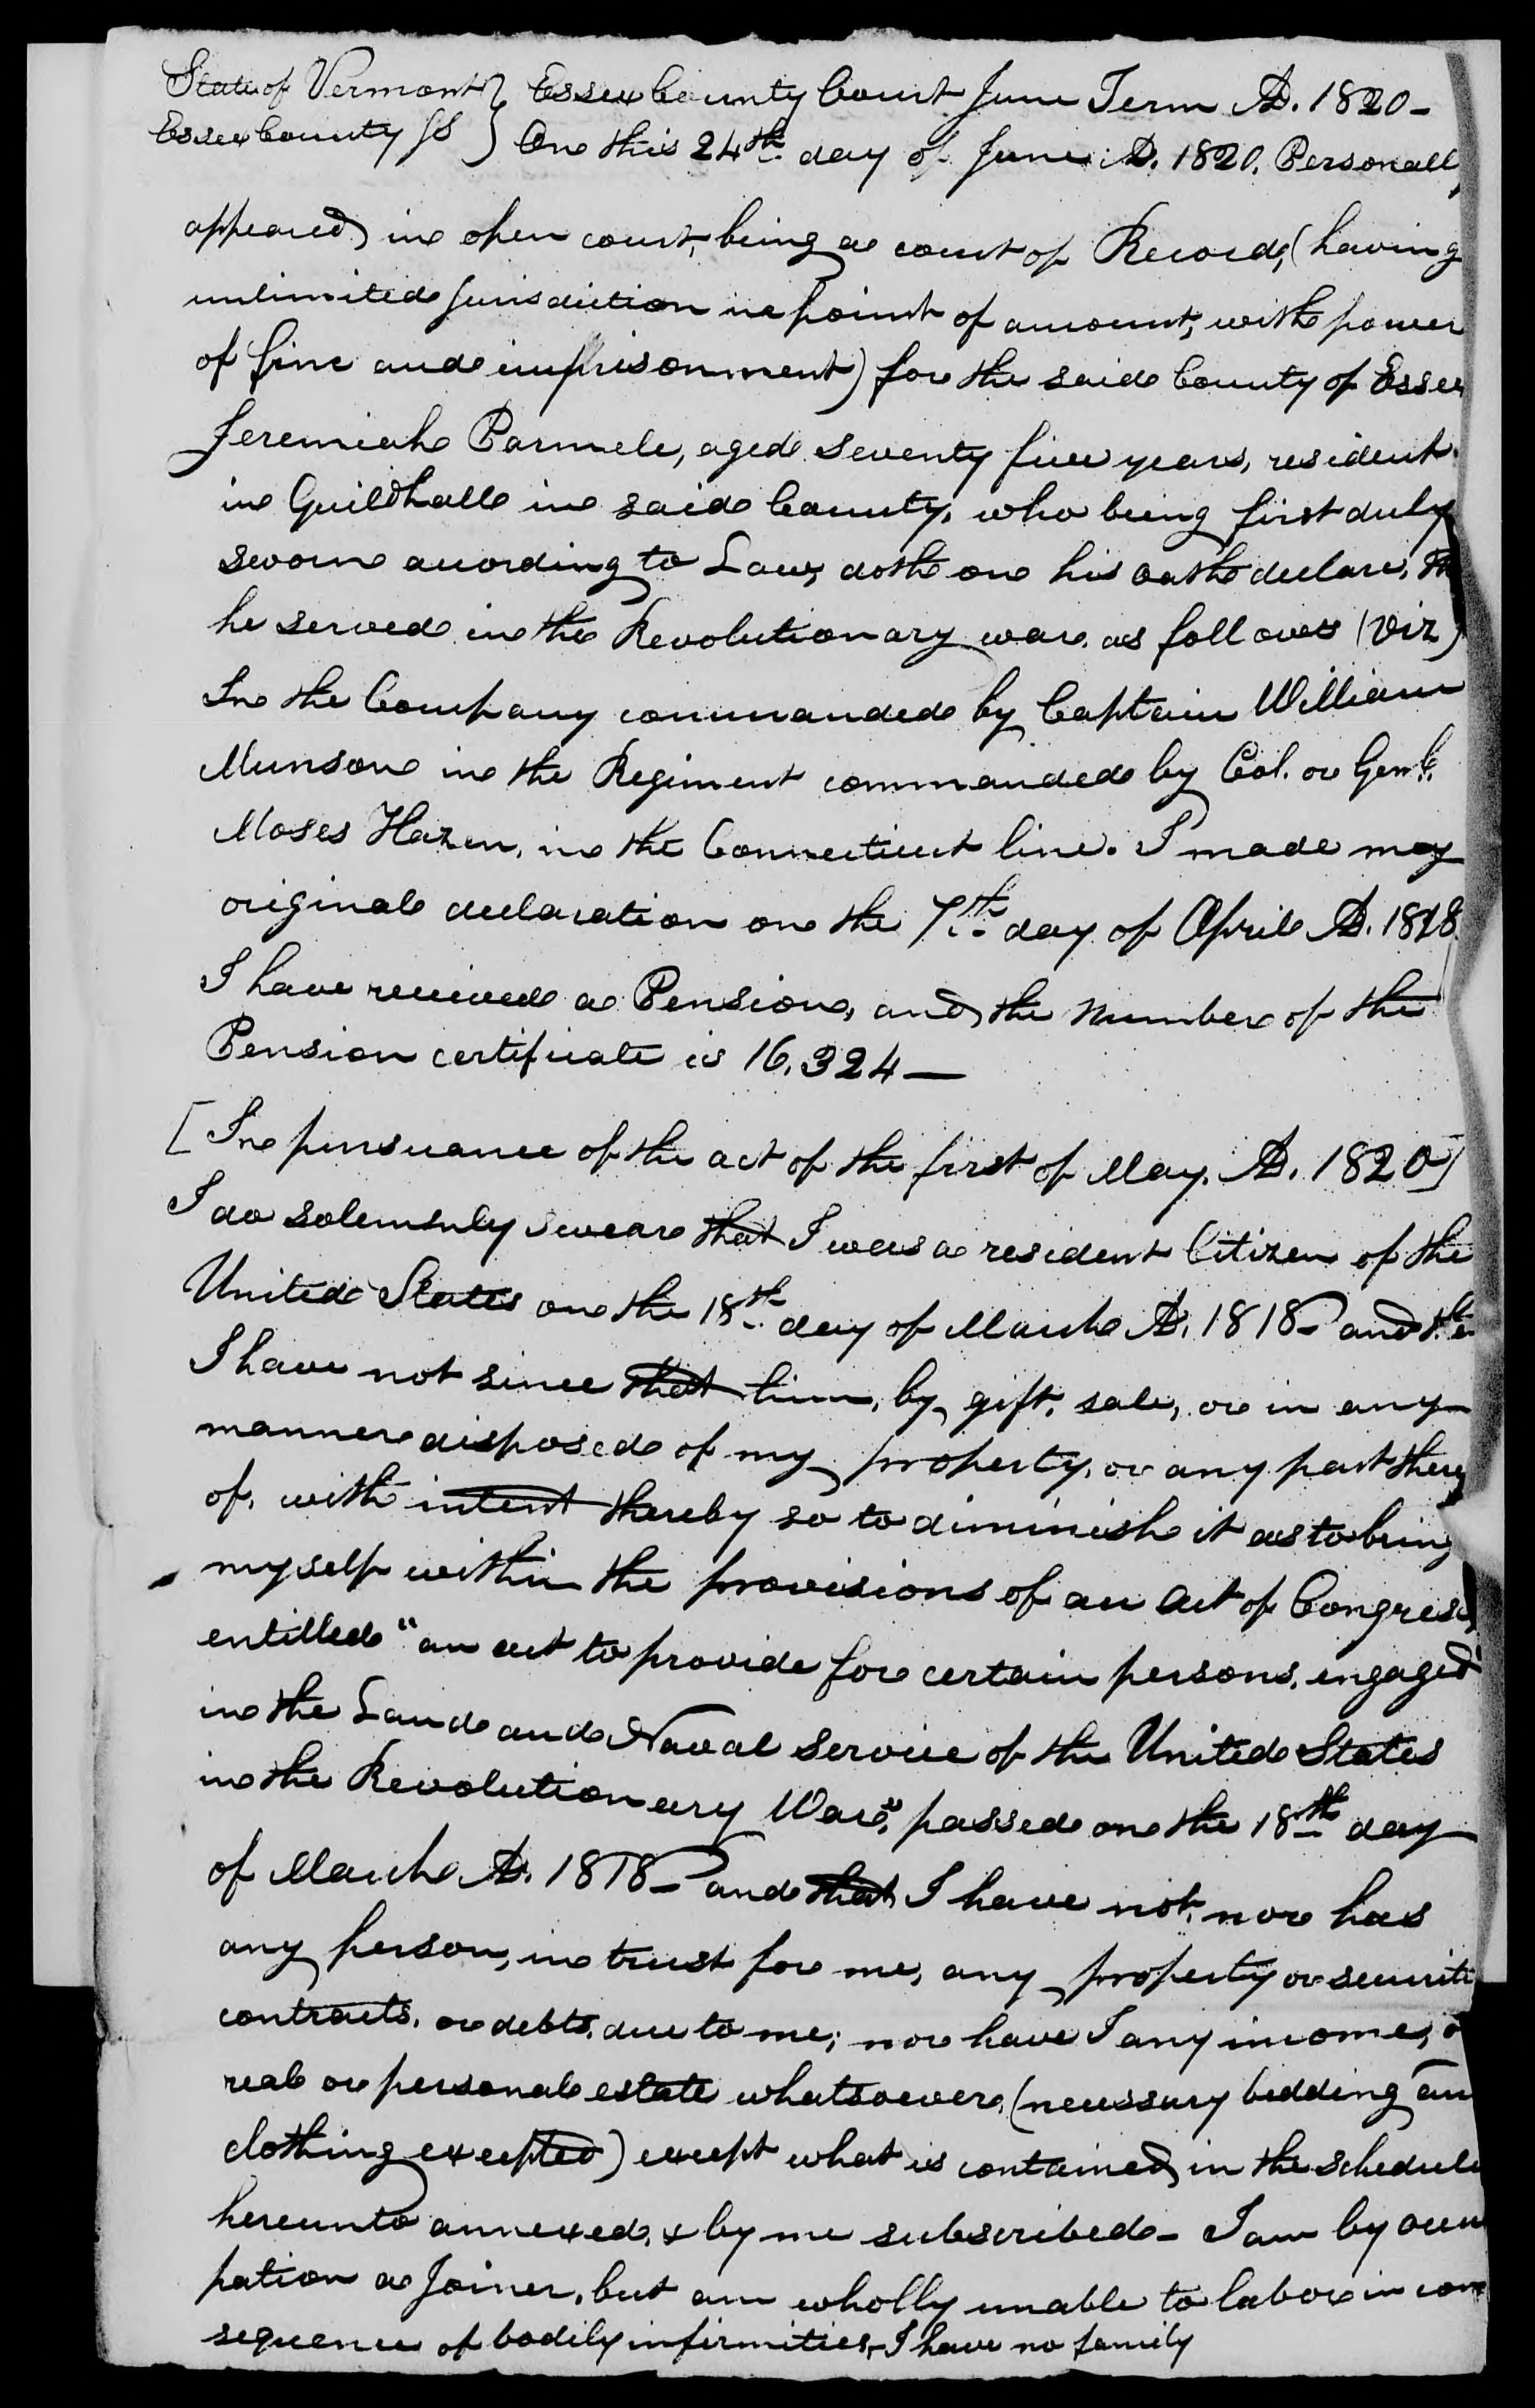State of Vermont
Essex County ss 
Essex County Court June Term AD. 1820-
On this 24th day of June AD. 1820, personally 
appeared in open court, being a court of Record (having unlimited Jurisdiction in point of amount, with power of fine and imprisonment) for the said County of Essex 
Jeremiah Parmele, aged Seventy five years, resident in Guildhall in said County, who being first duly sworn according to Law, doth on his oath declare, that he served in the Revolutionary war as follows (viz)
In the Company commanded by Captain William Munson in the Regiment commanded by Col. or Genl Moses Hazen, in the Connecticut line. I made my original declaration on the 7th day of April AD. 1818
I have received a pension, and the number of the Pension certificate is 16.324-
(In the pursuance of the act of the first of May AD. 1820)
I do solemnly swear that I was a resident Citizen of the United States on the 18th day of March AD. 1818 and the I have not since that then, by gift, sale, or in any manner disposed of my property or any part thereof with intent thereby so to diminish it as to bring myself within the provisions of an act of Congress
entitled "an act to provide for certain persons engaged in the Land and Naval service of the United States in the Revolutionary War" passed on the 18th day of March AD. 1818, and that I have not nor has any person, in trust for me, any property or security contracts, or debts due to me; nor have I any income 
real or personal estate whatsoever (necessary bedding and clothing excepted) except what is contained in the schedule hereunto annexed & by me subscribed - I am by occupation a joiner, but am wholly unable to labor in consequence of bodily infirmities, I have no family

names: Moses Hazen; Jeremiah Parmele; William Munson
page: 10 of 11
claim: survivor's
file: S. 41,048, for Jeremiah Parmalee, Connecticut